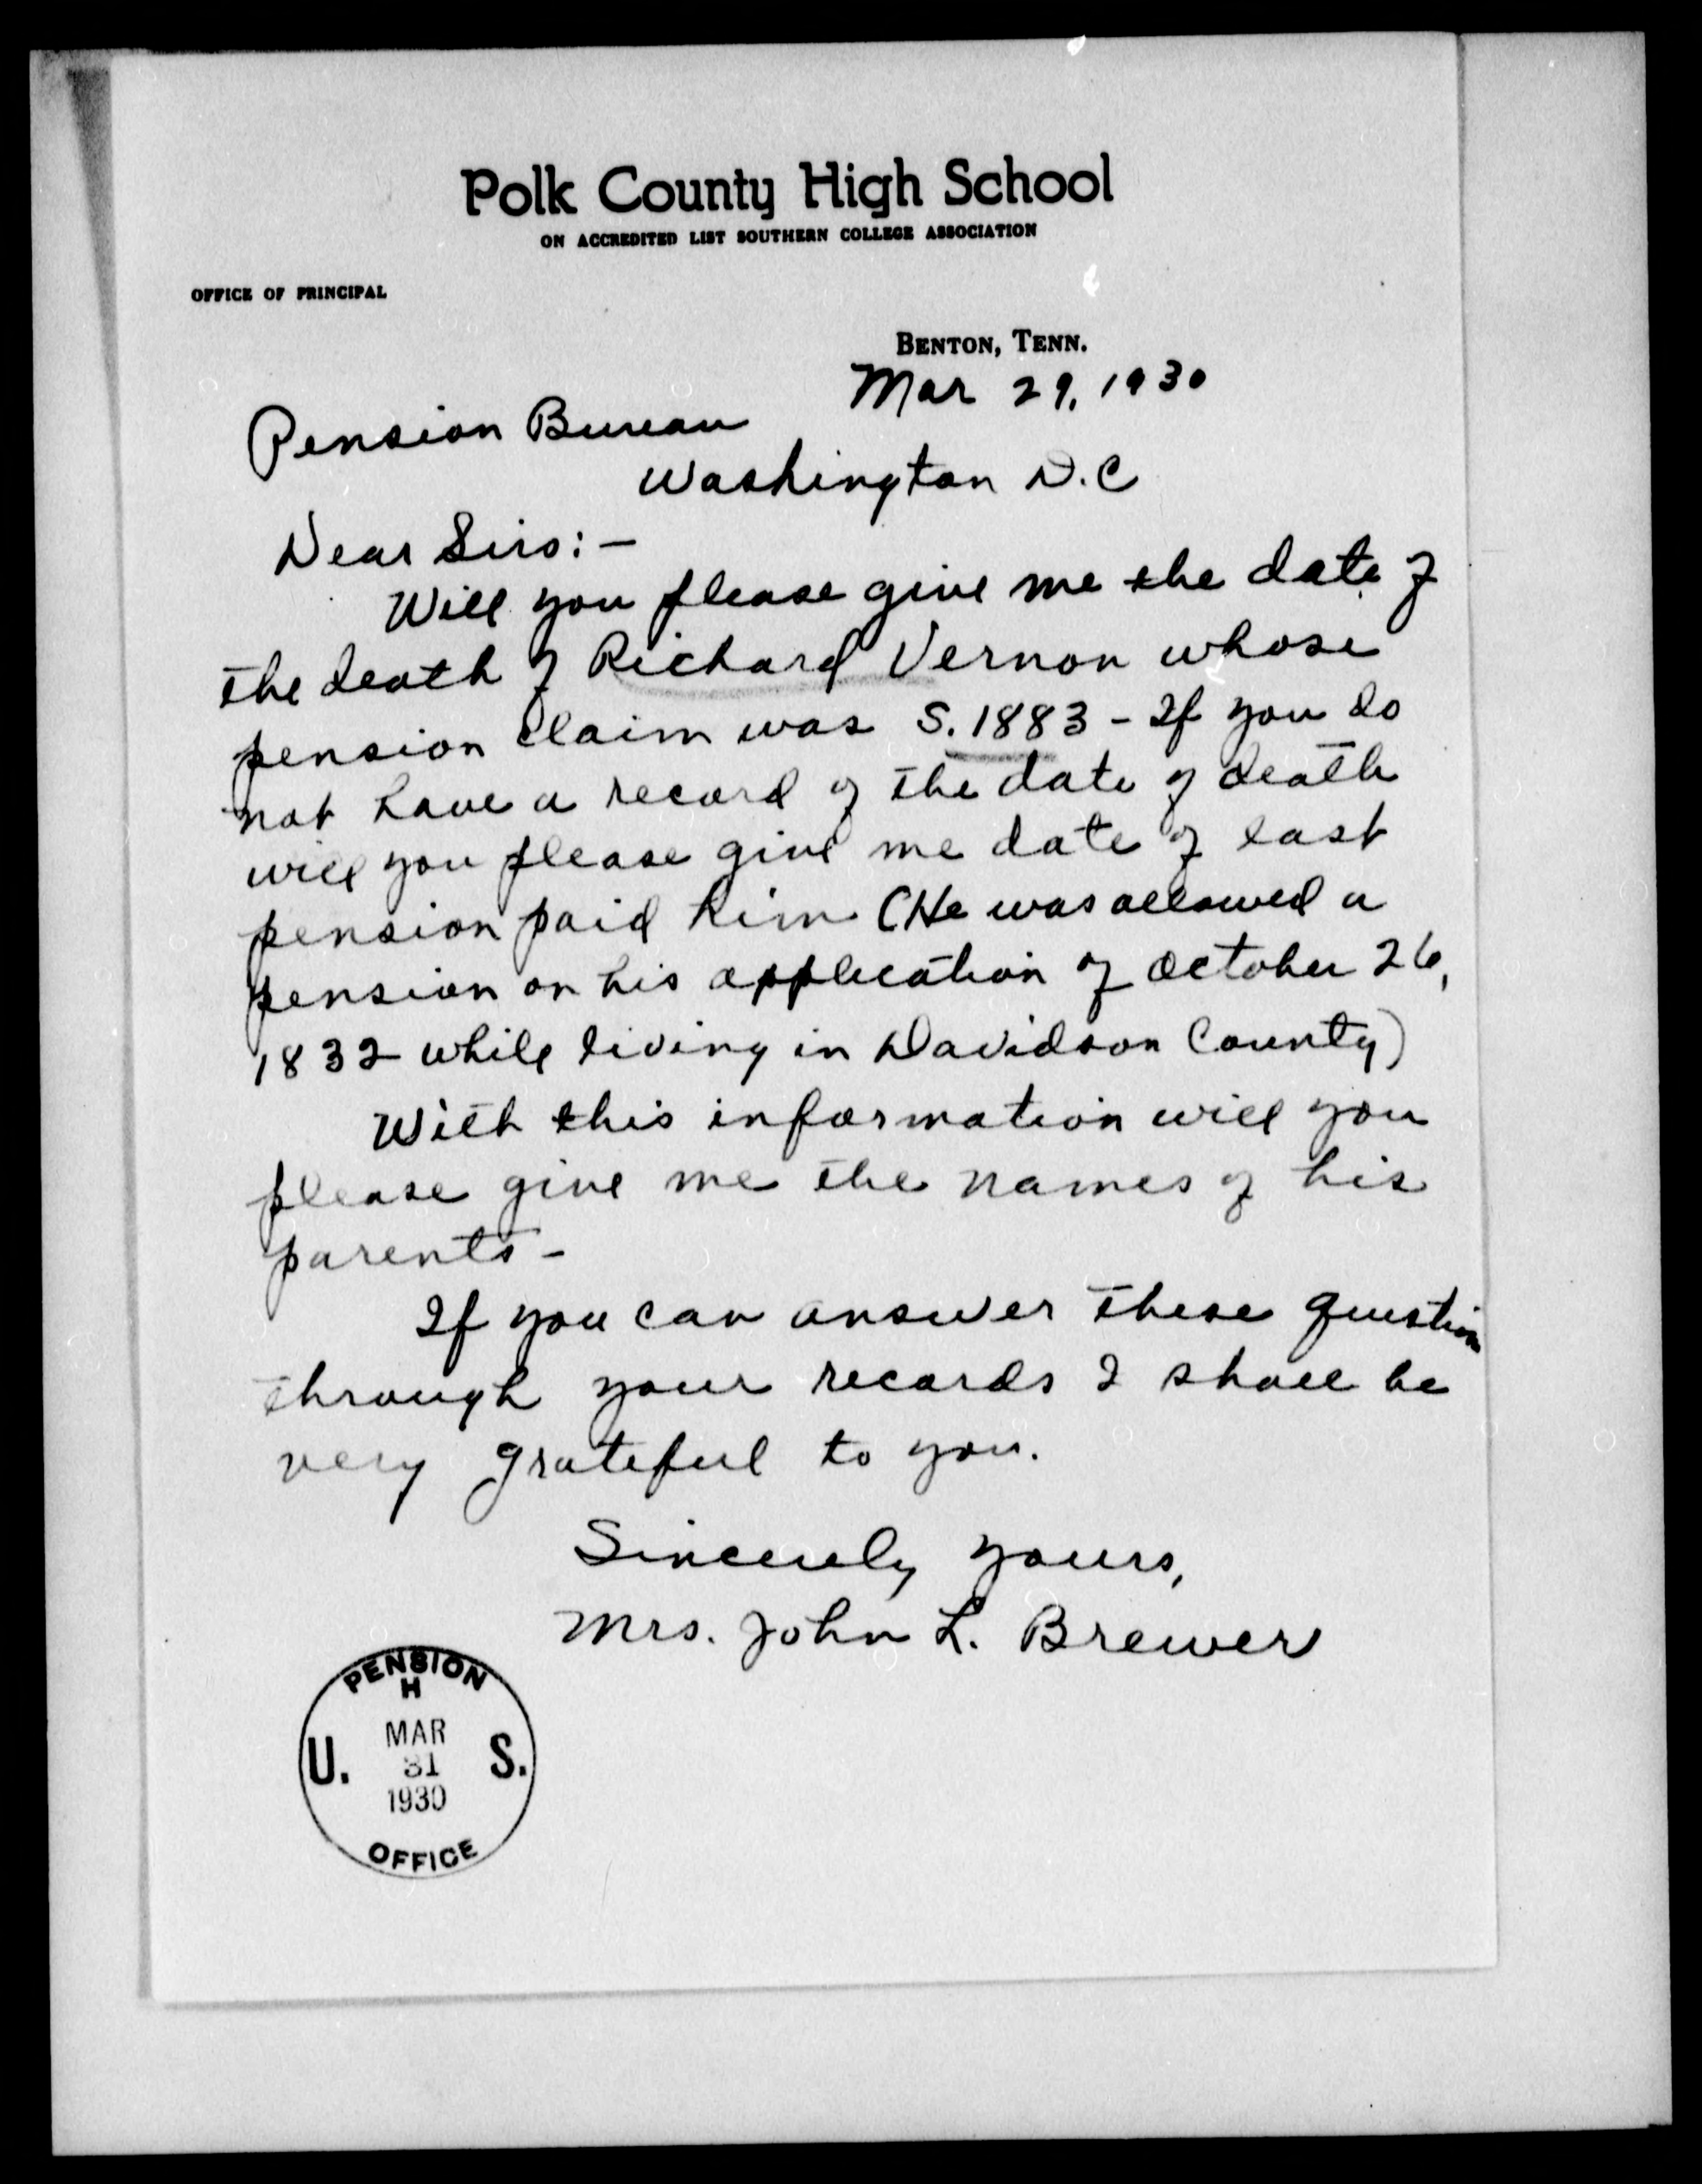Polk County High School
ON ACCREDITED LIST SOUTHERN COLLEGE ASSOCIATION
OFFICE OF PRINCIPAL
BENTON, TENN.

March 29, 1930
Pension Bureau – 
Washington D. C

Dear Sirs: -
Will you please give me the date of the death of Richard Vernon whose pension claim was S.1883 - If you do not have a recored of the date of death will you please give me dates of last pension paid him (He was allowed a pension on his application of October 26, 1832 while living in Davidson County)
With this information will you please give me the names of his parents. - 
If you can answer these questions through your records I shall be very grateful to you.

Sincerely yours,
Mrs. John L. Brewer

[stamped] PENSION N OFFICE. U. S. MAR 31 1930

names: John L Brewer, Richard Vernon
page: 94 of 105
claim: survivor's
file: S. 1883, Richard Vernon, N.C.